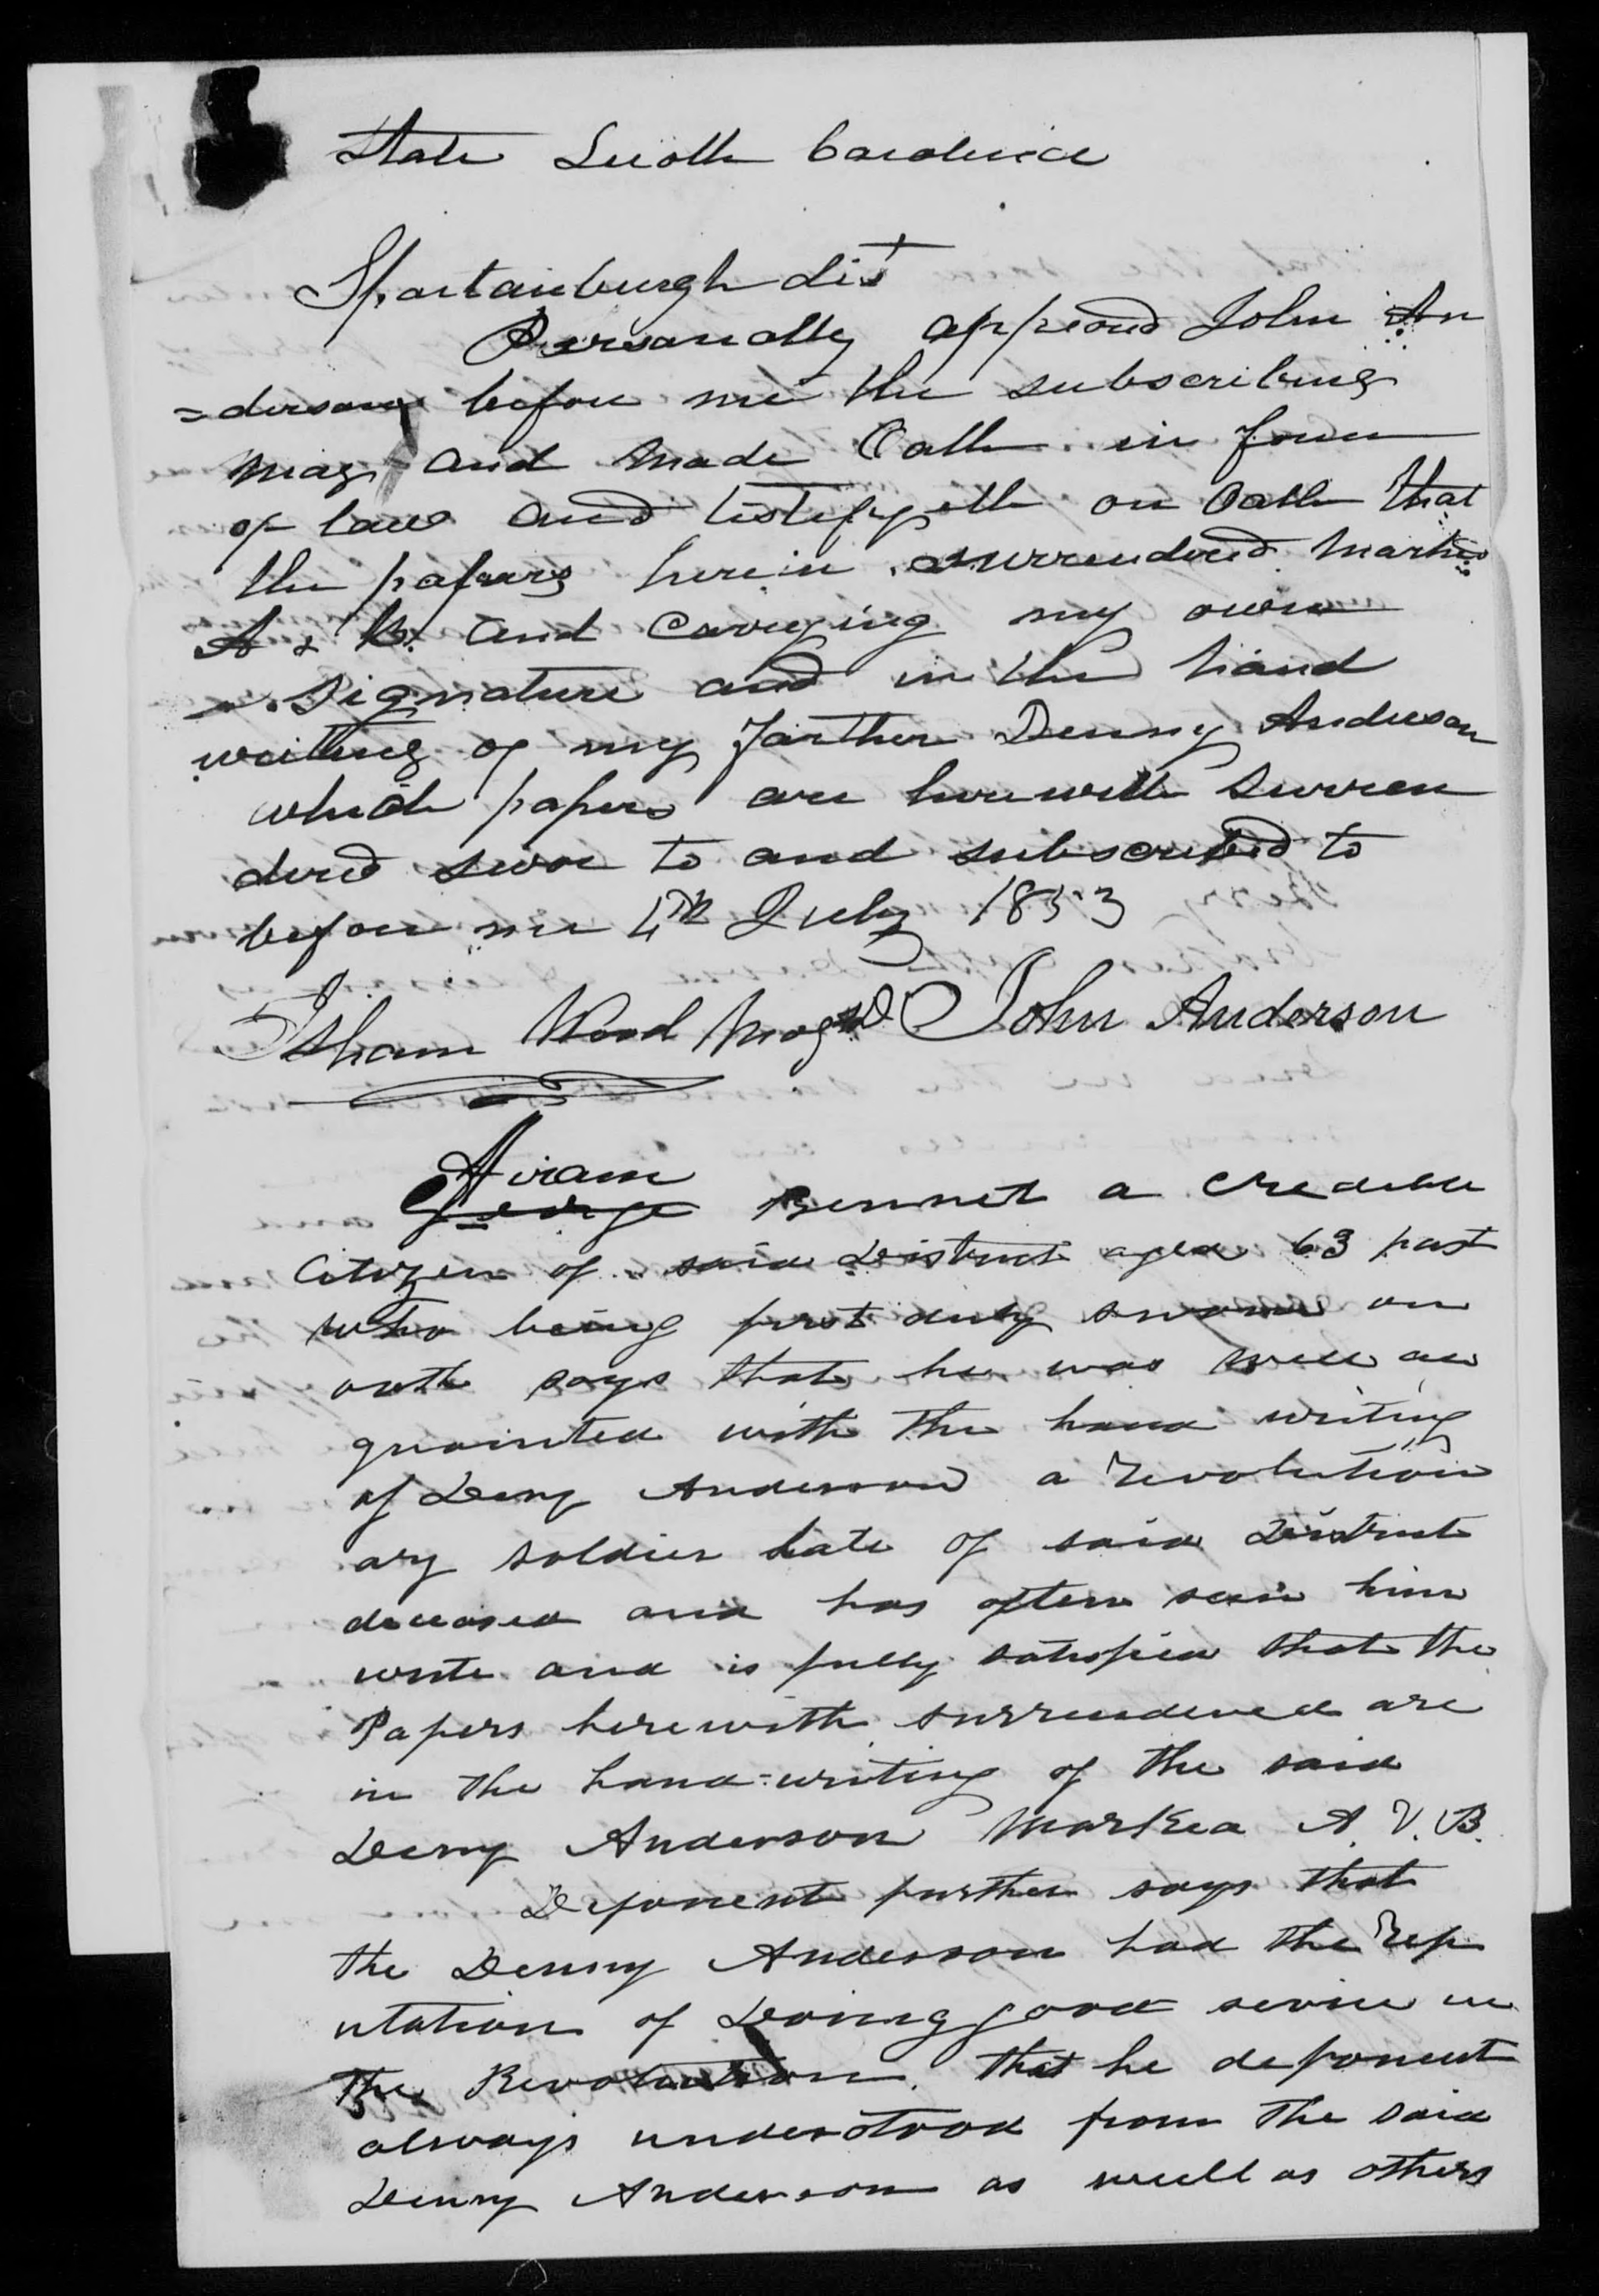State South Carolina
Spartanburgh dist
Personally appeared John Anderson before me the subscribing Mag. and made Oath in forces of law and testifyith on Oath that the papers herein surrendered marked A & C and carrying my own signature and in the hand writing of my father Denny Anderson which papers are herewith surrendered swore to and subscribed to before me 4th July 1853
Isham Wood Magt SD
John Anderson

Hiram Bennet a credible citizen of said District aged 63 past who being first duly sworn on oath says that he was well acquainted with the hand writing of Deny Anderson a revolutionary soldier late of said district deceased and has often saw him write and is fully satisfied that the papers herewith surrendered are in the handwriting of the said Deny Anderson mark A. V. B.
Deponent further says that the Denny Anderson had the reputation of having good service in the Revolution, that he deponent always understood from the said Denny Anderson as well as others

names: Deny Anderson, John Anderson, Hiram Bennet, Deny Anderson, Isham Wood, Denny Anderson, John Anderson, Denny Anderson, Denny Anderson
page: 4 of 51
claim: widow's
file: W. 9700, Denney Anderson, S.C.